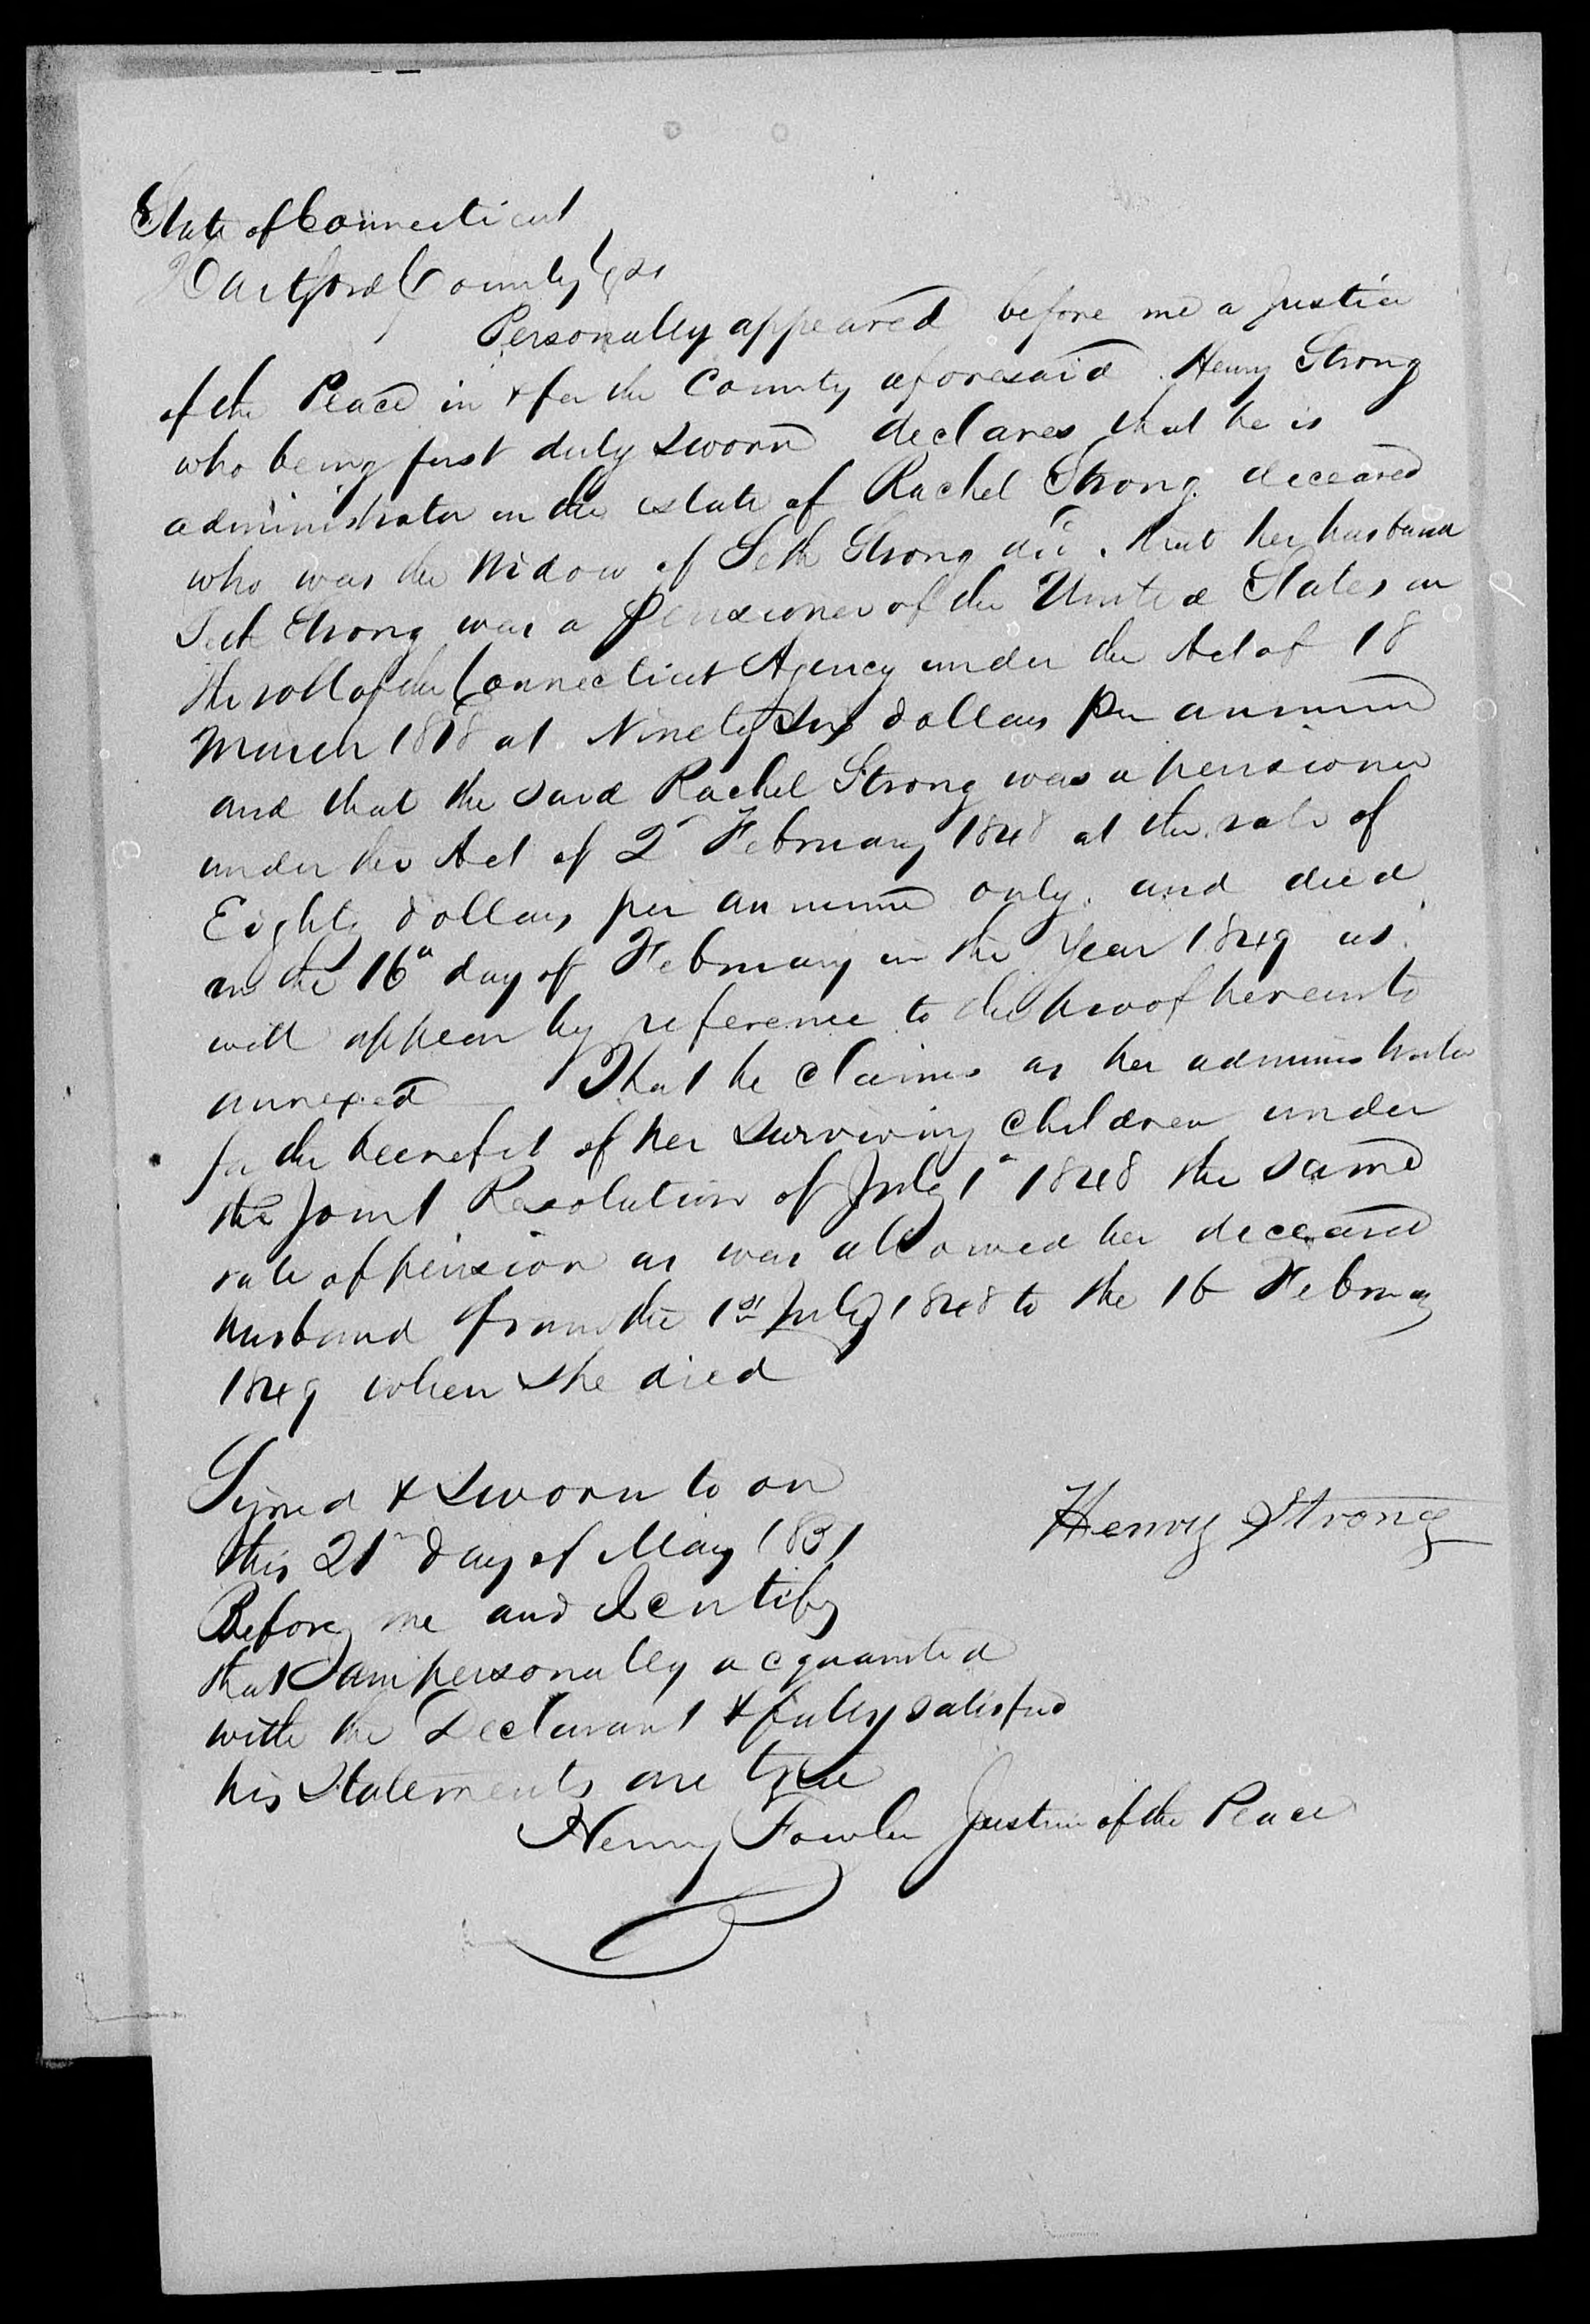State of Connecticut
Hartford County ss

Personally appeared before me a Justice of the  Peace in & for the County aforesaid Henry Strong who being first duly sworn declares that he is administrator in the estate of Rachel Strong deceased who was the Widow of Seth Strong and that her husband Seth Strong was a  Pensioner of the United States on the roll of the Connecticut Agency under the Act of 18 March 1818 at Ninety Six dollars per annum and that the said Rachel Strong was a pensioner under the Act of 2 February 1848 at the rate of Eighty dollars per annum only and died on the 16th day of February in the Year 1849 as will appear by reference to the proof hereunto annexed. That he claims as her administrator for the benefit of her surviving children under the Joint Resolution of July 1 1848 the same rate of pension as was allowed her deceased husband from the 1st July 1848 to the 16 February 1849 when she died

Henry Strong

Signed & Sworn to on
this 21 day of May 1831
Before me and I certify 
that I am personally acquainted 
with the Declarant & fully satisfied
his Statements are true

Henry Fowler Justice of the  Peace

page: 15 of 47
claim: widow's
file: W. 17879, for Seth Strong, Connecticut